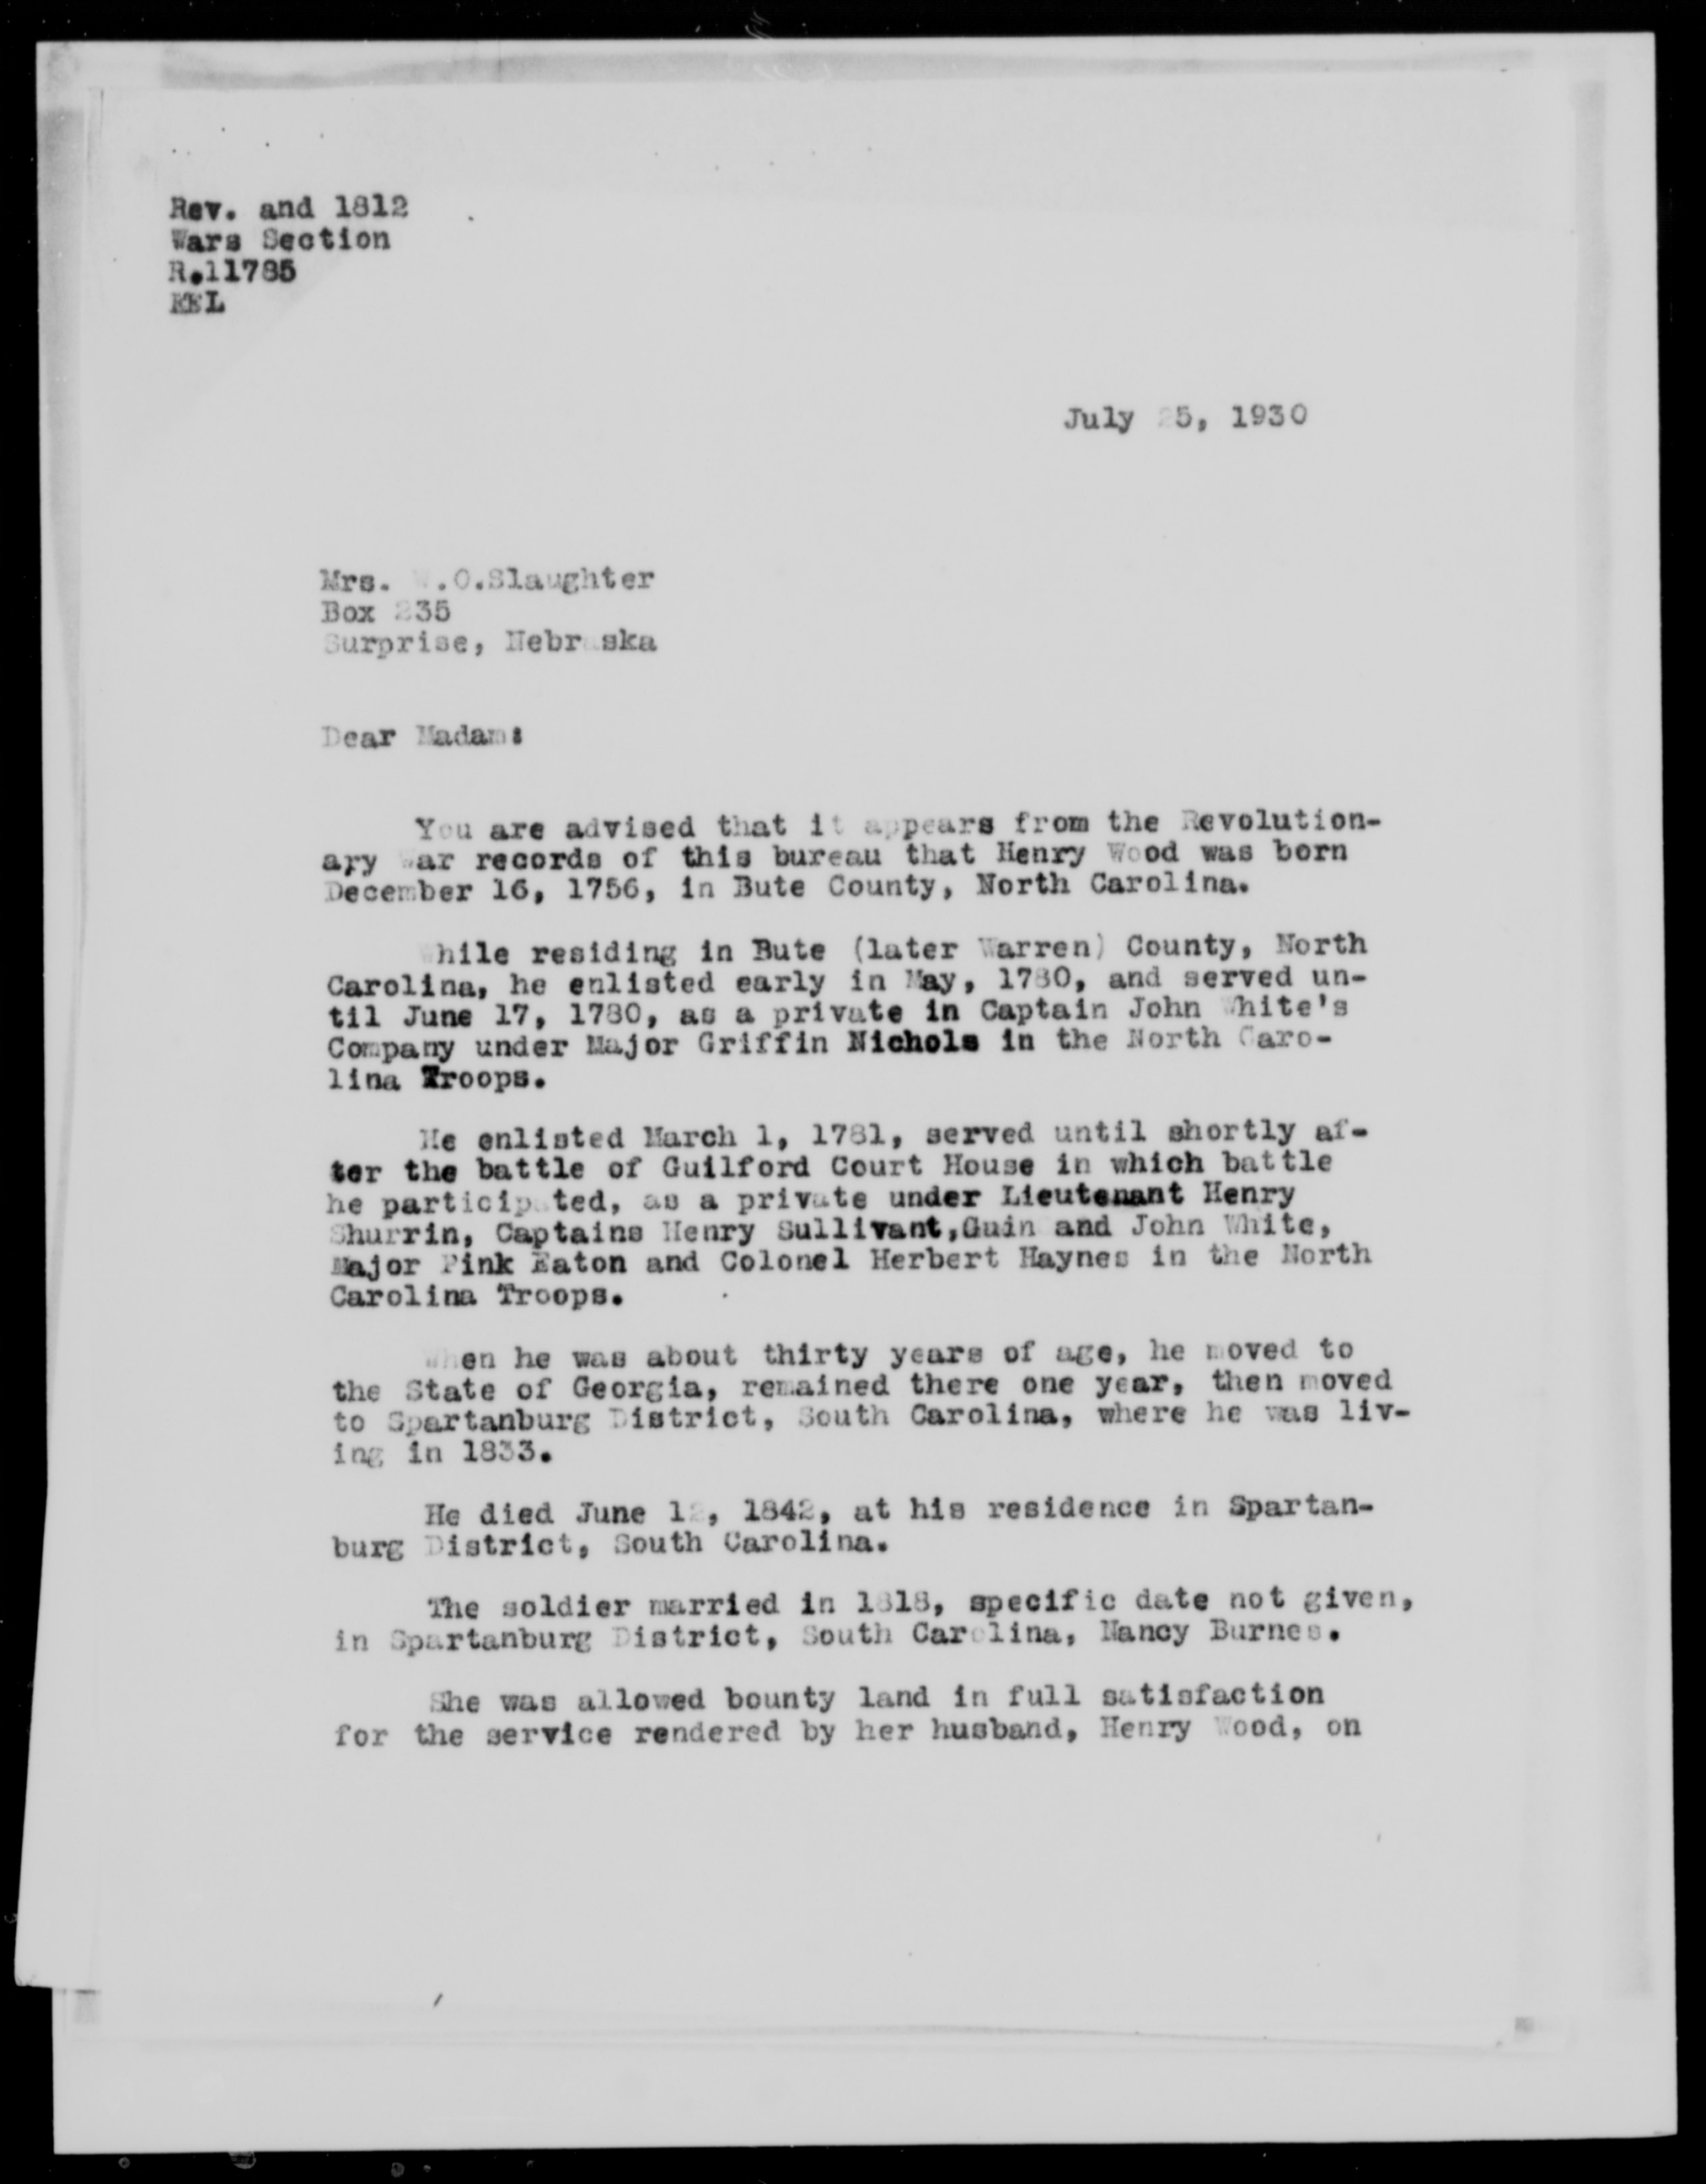Rev. and 1812
Wars Section
R. 11785
EEL
July 25, 1930

Mrs. N.O. Slaughter
Box 235
Surprise, Nebraska

Dear Madam:

You are advised that it appears from the Revolutionary war records of this bureau that Henry Wood was born December 16, 1756, in Bute County, North Carolina.
While residing in Bute (later Warren) County, North Carolina, he enlisted early in May, 1780, and served until June 17, 1780, as a private in Captain John White's Company under Major Griffin Nichols in the North Carolina Troops.
He enlisted March 1, 1781, served until shortly after
the battle of Guilford Court House in which battle
he participated, as a private under Lieutenant Henry
Shurrin, Captains Henry Sullivant, Guin and John White, Major Pink Eaton and Colonel Herbert Haynes in the North Carolina Troops.
When he was about thirty years of age, he moved to
the State of Georgia, remained there one year, then moved to Spartanburg District, South Carolina, where he was living in 1833.
He died June 12, 1842, at his residence in Spartanburg District, South Carolina.
The soldier married in 1818, specific date not given,
in Spartanburg District, South Carolina, Nancy Burnes.
She was allowed bounty land in full satisfaction
for the service rendered by her husband, Henry Wood, on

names: Griffin Nichols, John White, Henry Shurrin, Henry Sullivant, Pink Eaton, Herbert Haynes, W O Slaughter, Guin, Nancy Burnes, Henry Wood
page: 37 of 40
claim: rejected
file: R. 11785, Henry Wood, N. C.